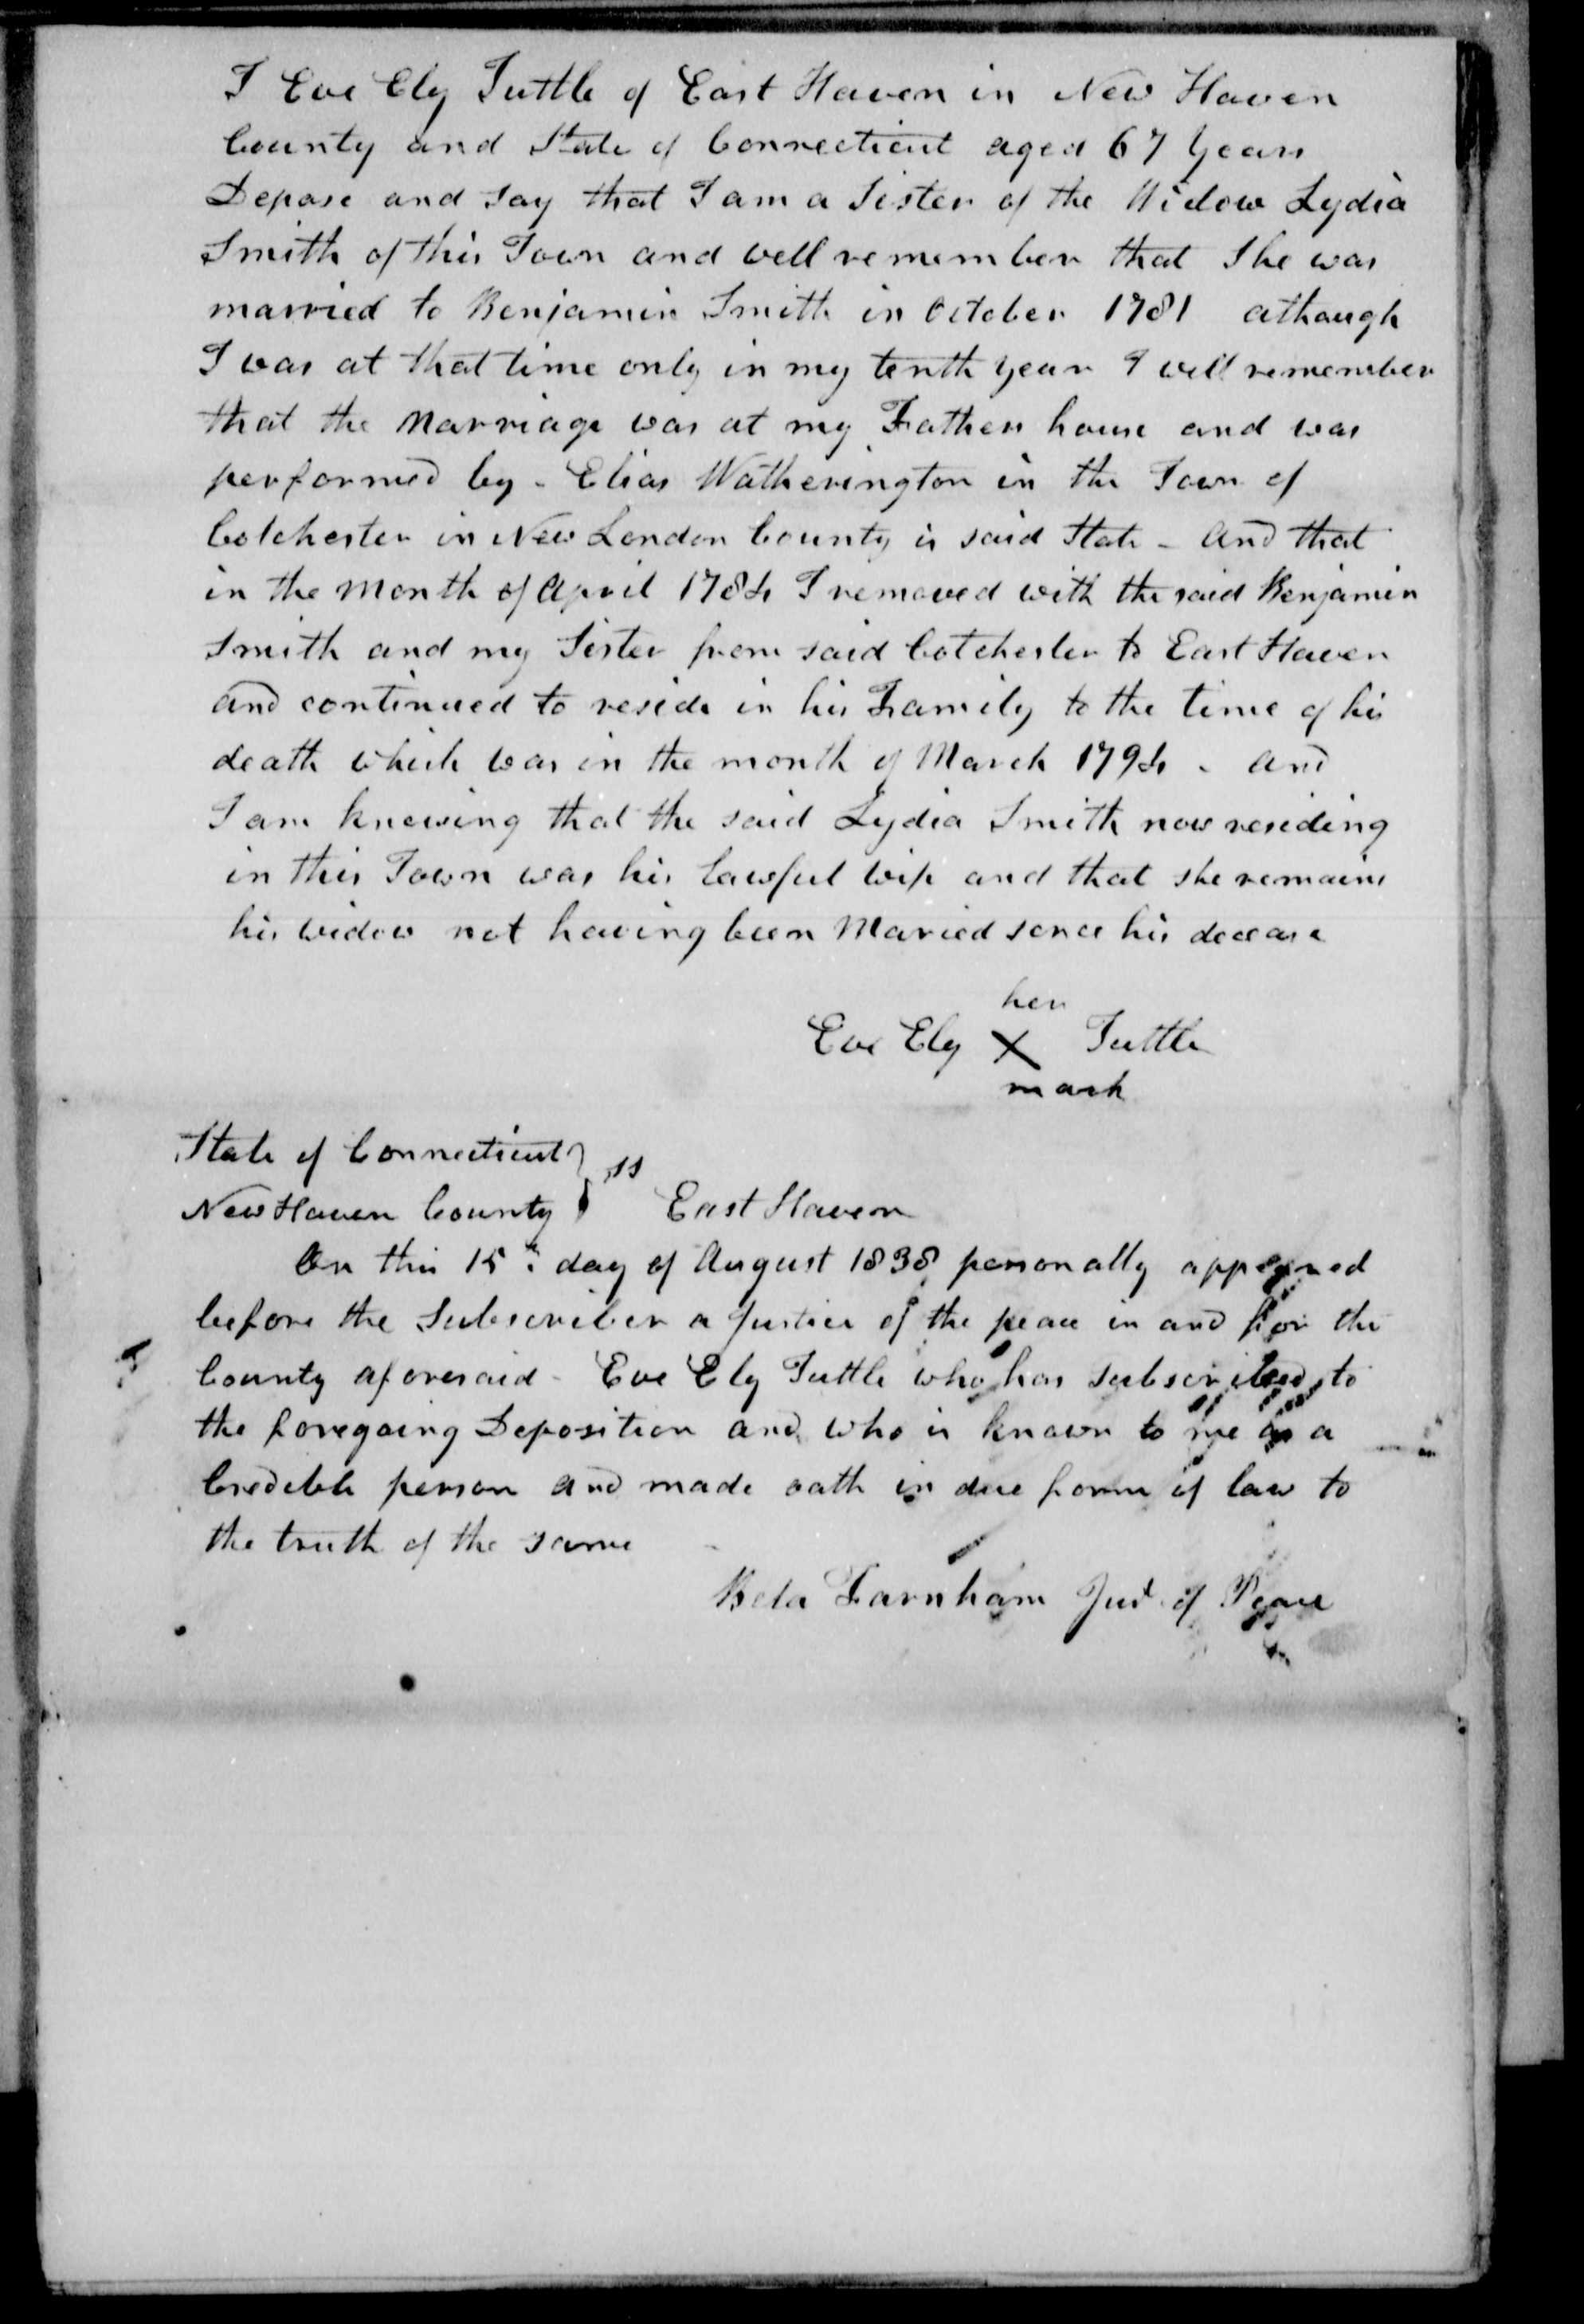I Eve Ely Tuttle of East Haven in New Haven County and state of Connecticut aged 67 years depose and say that I am a sister of the widow Lydia Smith of this town and well remember that she was married to Benjamin Smith in October 1781 although I was at that time only in my tenth year. I well remember that the marriage was at my fathers home and was performed by Elias Watherington in the town of Colchester, in New London County in said state. And that in the month of April 1784 I removed with the said Benjamin Smith and my sister from said Colchester to East Haven and continued to reside in his family to the time of his death which was in the month of March 1794. And I am knowing that the said Lydia Smith now residing in this town was his lawful wife and that she remains his widow not having been married since his decease.
Eve Ely Tuttle X her mark

State of Connecticut
New Haven County }ss. East Haven
On this 15th day of August 1838 personally appeared before the subscriber a Justice of the Peace in and for the county aforesaid, Eve Ely Tuttle who has subscribed to the foregoing deposition and who is known to me be a credible person and made oath in due form of law to the truth of the same.
Bela Farnham Just of Peace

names: Elias Watherington; Bela Farnham; Eve Ely Tuttle; Lydia Smith; Benjamin Smith; Benjamin Smith; Lydia Smith; Eve Ely Tuttle; Eve Ely Tuttle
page: 13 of 19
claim: rejected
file: R 9792, for Benjamin Smith, Connecticut